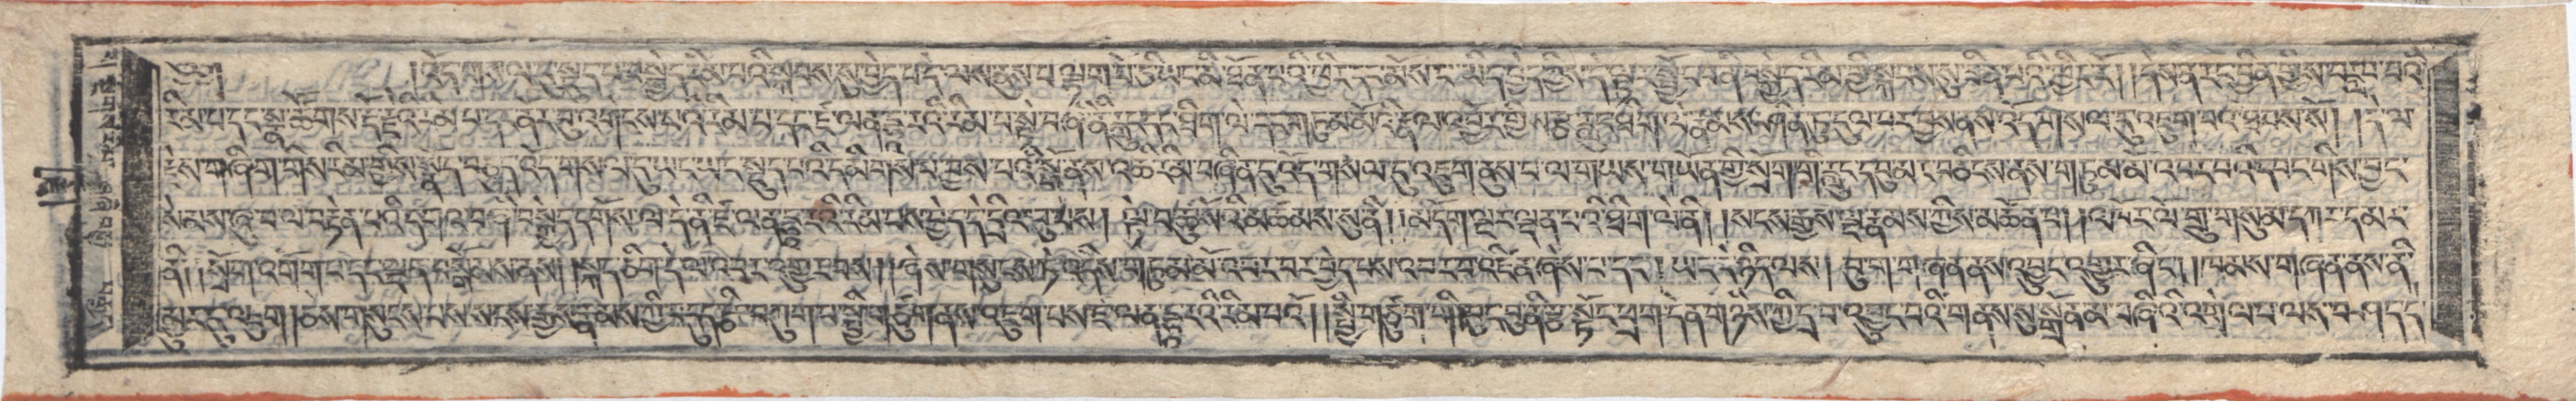༄༅། །འོད་གསལ་དུ་སྡུད་པ་བསྐྱེད་རིམ་པའི་སྐབས་སུ་བྱེད་པ་དེ་ལས་ནུས་པ་ལྷག་པོ་ཅི་ཡང་མི་ཐོན་པའི་ཕྱིར་དང་མོས་པ་ཡིད་བྱེད་ཀྱིས་དེ་ལྟར་སྦྱོང་བ་ནི་བསྐྱེད་རིམ་གྱི་སྐབས་སུ་ཟིན་པའི་ཕྱིར་རོ། །དེས་ན་རང་བྱིན་གྱིས་བརླབ་པའི་
རིམ་པ་དང་སྣ་ཚོགས་རྡོ་རྗེའི་རིམ་པ་དང་ནོར་བུ་འགེངས་པའི་རིམ་པ་དང་ཛ་ལན་དྷཱ་རའི་རིམ་པ་སྟེ་བཞི་ནི་རླུང་དང་ཐིག་ལེ་དང་གཏུམ་མོའི་རྣལ་འབྱོར་གྱིས་རྩ་རླུང་ཐིག་ལེ་རྣམས་ཤིན་ཏུ་དུལ་བར་བྱས་ནས་འོད་གསལ་དུ་འཇུག་པའི་ཐབས་སོ། །དེ་ལ་
རྗེས་གཞིག་གིས་རིམ་གྱིས་སྣོད་བཅུད་འོད་གསལ་དུ་ཡང་ཡང་སྡུད་པའི་དམིགས་པ་བྱས་པའི་སྒོ་ནས་འཆི་རིམ་བཞིན་དུ་འོད་གསལ་དུ་འཇུག་ནུས་པ་ལ་གཡས་གཡོན་གྱི་སྲོག་གི་རླུང་དབུ་མར་བཅིངས་ནས་གཏུམ་མོ་འབར་བའི་དབང་གིས་བྱང་
སེམས་ཞུ་བ་ལ་བརྟེན་པའི་དགའ་བཞི་བསྐྱེད་དགོས་ལ་དེ་ནི་ཛ་ལན་དྷཱ་རའི་རིམ་པས་བྱེད་དེ་དྲིལ་བུ་པས། ལྟེ་བ་ཆུ་སོའི་མཚམས་སུ་ནི། །མདོག་ལྔར་ལྡན་པའི་ཐིག་ལེ་ནི། །སངས་རྒྱས་ལྔ་རྣམས་ཀྱིས་མཚོན་པ། །འཁོར་ལོ་གྲུ་གསུམ་དཀར་དམར་
ནི། །སྲོག་འགོག་པ་དང་ལྡན་བསྒོམས་ནས། །སྐད་ཅིག་དེ་ལ་འབར་འགྱུར་བས། །ཞེས་གསུངས་ཏེ་འདིས་གཏུམ་མོ་འབར་བར་བྱེད་པས་འབར་བ་འཛིན་ཞེས་པ་དང་། ཡང་དེ་ཉིད་ལས། བུ་ག་གཞན་ནས་འབྱུང་འགྱུར་ཞིང་། །ཁམས་གཞན་ནས་ནི་
མྱུར་དུ་འཇུག །ཅེས་གསུངས་པས་སངས་རྒྱས་རྣམས་ཀྱི་བདུད་རྩི་བཀུག་པ་སྤྱི་གཙུག་ནས་འཇུག་པས་ཛ་ལན་དྷཱ་རའི་རིམ་པའོ། །སྤྱི་གཙུག་གི་ཁུང་བུ་ནི་རྩ་སྟོང་ཕྲག་དོན་གཉིས་ཀྱི་དྲ་བ་འབྱུང་བའི་གནས་སུ་སྒྲོན་མ་བཞིའི་འགྲེལ་པ་ལས་བཤད་དེ་